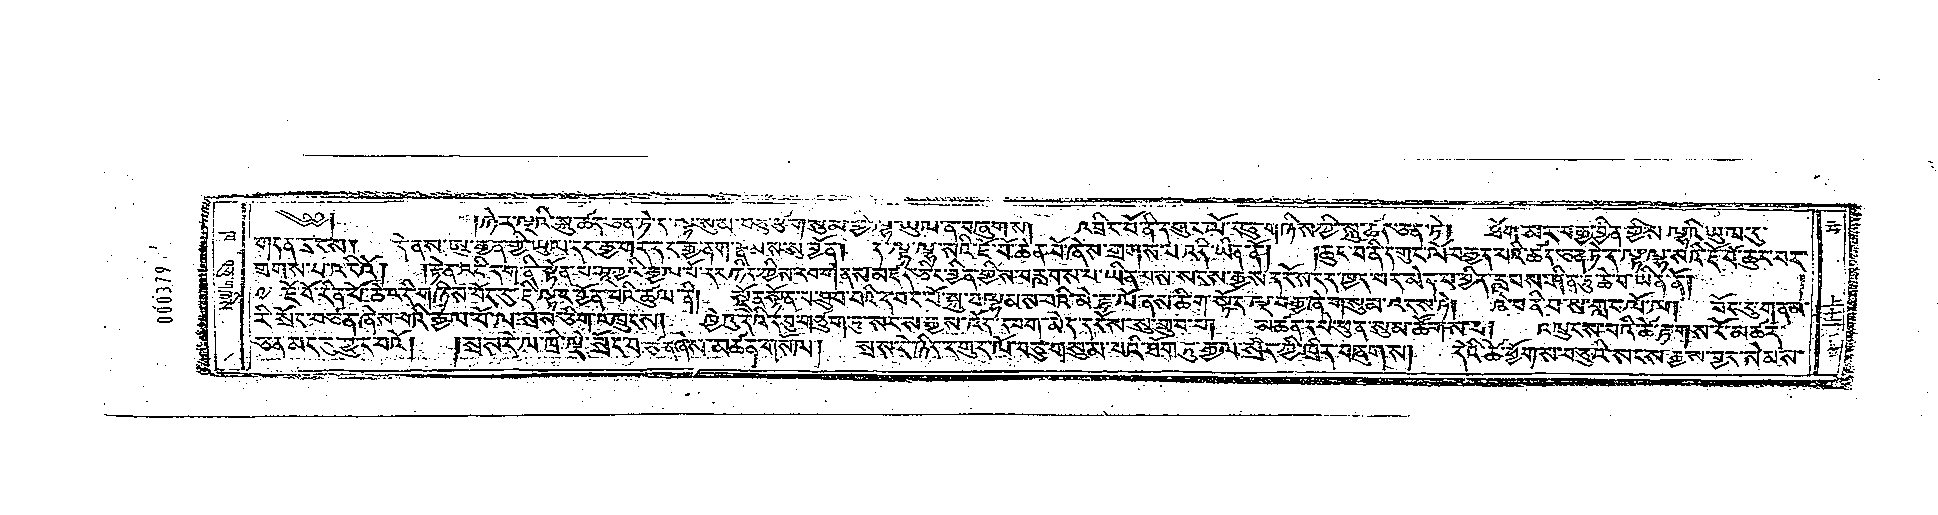༄༅། །ཉེར་ལྔའི་སྐུ་ཚད་ཅན་ཏེ་ང་ལྟ་སུམ་བཅུ་རྩ་གསུམ་གྱི་ལྷ་ཡུལ་ན་བཞུགས། འབྲིང་པོ་ནི་དགུང་ལོ་བཅུ་གཉིས་ཀྱི་སྐུ་ཚད་ཅན་ཏེ། ཐོག་མར་བརྒྱ་བྱིན་གྱིས་ལྷའི་ཡུལ་དུ་
གདན་དྲངས། དེ་ནས་ཨུ་རྒྱན་གྱི་ཡུལ་དང་རྒྱ་གར་དང་རྒྱ་ནག་རྣམས་སུ་བྱོན། ད་ལྟ་ལྷ་སའི་ཇོ་བོ་ཆེན་པོ་ཞེས་གྲགས་པ་འདི་ཡིན་ནོ། །ཆུང་བ་ནི་དགུང་ལོ་བརྒྱད་པའི་ཚད་ཅན་ཏེ་ད་ལྟ་ལྷ་སའི་ཇོ་བོ་ཆུང་བར་
གྲགས་པ་འདིའོ། །རྟེན་འདིར་ག་ནི་སྟོན་པ་ཤཱཀྱའི་རྒྱལ་པོ་རང་ཉིད་ཀྱིས་རབ་གནས་མཛད་ཅིང་བྱིན་གྱིས་བརླབས་པ་ཡིན་པས་སངས་རྒྱས་དངོས་དད་ཁྱད་པར་མེད་པ་བྱིན་རླབས་ཤིན་ཏུ་ཆེ་བ་ཡིན་ནོ། །
༈ ཇོ་བོ་རིན་པོ་ཆེ་འདི་གཉིས་བོང་དུ་ཇི་ལྟར་བྱོན་པའི་ཚུལ་ནི། སྔོན་སྟོན་པ་ཐུབ་པའི་དབང་པོ་སྐུ་བལྟམས་པའི་མེ་རྟ་ལོ་ནས་ཆིག་སྟོང་ལྔ་བརྒྱ་ཞེ་གསུམ་འདས་ཏེ། ཞེ་བ་ནི་བ་ས་གླང་ལོ་ལ། བོད་དུ་གནམ་
རི་སྲོང་བཙན་ཞེས་པའི་རྒྱལ་པོ་ལ་སྲས་ཅིག་འཁྲུངས། ཁེའུ་དེའི་དབུ་གཙུག་ཏུ་སངས་རྒྱས་འོད་དཔག་མེད་དངོས་སུ་གྲུབ་པ། མཚན་དཔེ་ཕུན་སུམ་ཚོགས་པ། འཁྲུངས་པའི་ཚེ་རྟགས་ངོ་མཚར་
ཅན་མང་དུ་བྱུང་བའོ། །སྲས་དེ་ལ་ཁྲི་ལྡེ་སྲོང་བཙན་ཞེས་མཚན་གསོལ། སྲས་དེ་ཉིད་དགུང་ལོ་བཅུ་གསུམ་པའི་ཐོག་ཏུ་རྒྱལ་སྲིད་ཀྱི་ཁྲིར་བཞུགས། དེའི་ཚེ་ཕྱོགས་བཅུའི་སངས་རྒྱས་བྱང་སེམས་